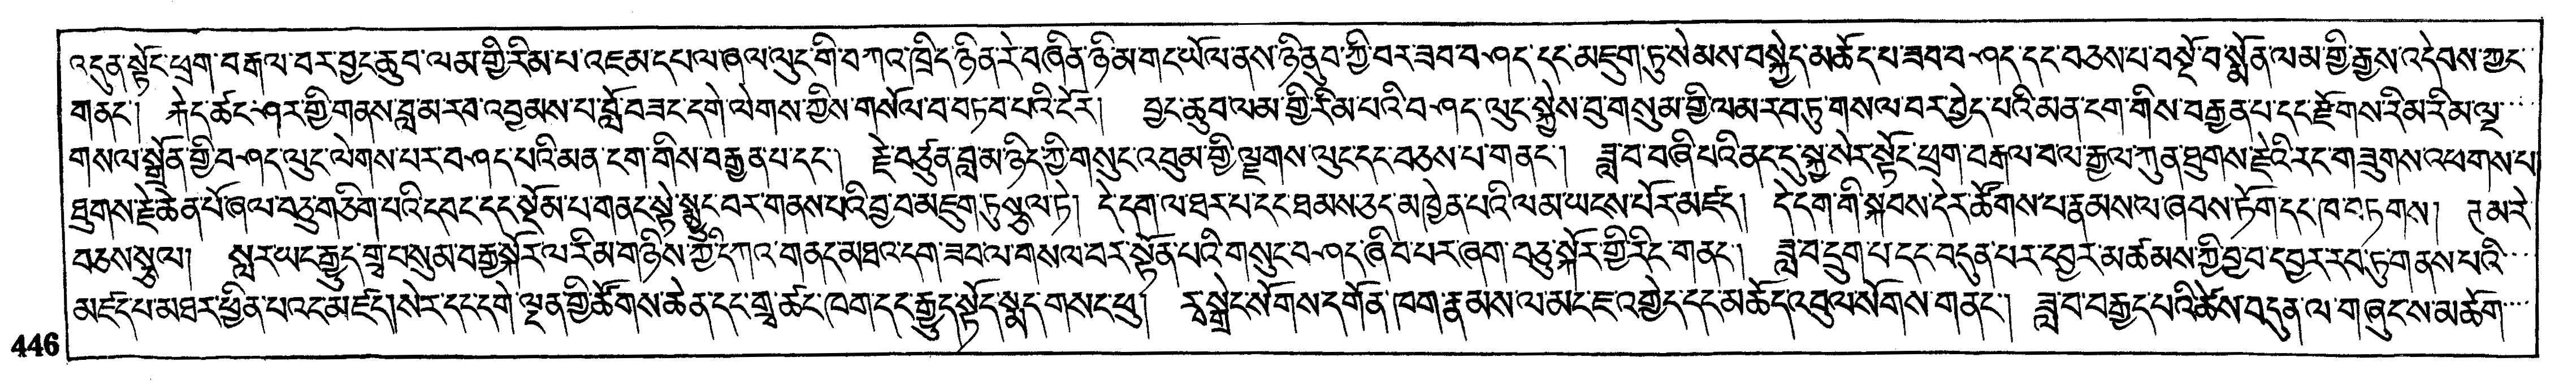འདུད་སྟོང་ཕྲག་བརྒལ་བར་བྱང་ཆུབ་ལམ་གྱི་རིམ་པ་འཇམ་དཔལ་ཞལ་ལུང་གི་བཀའ་ཁྲིད་ཉི་ན་རེ་བཞིན་ཉི་མ་གུད་ཡོལ་ནས་ཉི་ནུབ་ཀྱི་བར་ཟབ་བཤད་དང་མཇུག་ཏུ་སེམས་བསྐྱེད་མཆོད་པ་ཟབ་བཤད་དང་བཅས་པ་བསྔོ་བ་སྨོན་ལམ་གྱི་རྒྱས་འདེབས་ཀྱང་
གནང་། རྐེད་ཚང་ཤར་གྱི་གནས་བླ་མ་རབ་འབྱམས་པ་བློ་བཟང་དགེ་ལེགས་ཀྱིས་གསོལ་བ་བཏབ་པའི་དོར། བྱང་ཆུབ་ལམ་གྱི་རིམ་པའི་བཤད་ལུང་སྐྱེས་བུ་གསུམ་གྱི་ལམ་རབ་ཏུ་གསལ་བར་བྱེད་པའི་མན་ངག་གིས་བརྒྱན་པ་དང་རྫོགས་རིམ་རིམ་ལྔ་
གསལ་སྒྲོན་གྱི་བཤད་ལུང་ལེགས་པར་བཤད་པའི་མན་ངག་གིས་བརྒྱན་པ་དང་། རྗེ་བཙུན་བླ་མ་ཉིད་ཀྱི་གསུང་འབུམ་གྱི་ལྗགས་ལུད་དང་བཅས་པ་གནང་། ཟླ་བ་བཞི་པའི་ནང་དུ་སྐྱ་སེར་སྟོང་ཕྲག་བརྒལ་བལ་རྒྱལ་ཀུན་ཐུགས་རྗེའི་རང་གཟུགས་འཕགས་པ་
ཐུགས་རྗེ་ཆེན་པོ་ཞལ་བཅུ་གཅིག་པའི་དབང་དང་སྡོམ་པ་གནང་སྟེ་སྨྱུང་བར་གནས་པའི་བྱ་བ་མཇུག་ཏུ་སྩལ་ཏེ། དེ་དག་ལ་ཐར་པ་དང་ཐམས་ཅད་མཁྱེན་པའི་ལམ་ཡངས་པོར་མཛད། དེ་དག་གི་སྐབས་དེར་ཚོགས་པ་རྣམས་ལ་ཞབས་ཏོག་དང་ཁ་བཏགས། ཊཾ་རེ་
བཅས་སྩལ། སླར་ཡང་རྒྱུད་གྲྭ་པ་སུམ་བརྒྱ་སྐོར་ལ་རིམ་གཉིས་ཀྱི་དཀའ་གནད་མཐའ་དག་ཟབ་ལ་གསལ་བར་སྟོན་པའི་གསུང་བཤད་ཞིབ་པར་ཞག་བཅུ་སྐོར་གྱི་རིང་གནང་། ཟླ་བ་དྲུག་པ་དང་བདུན་པར་དབྱར་མཚམས་ཀྱི་བྱ་བ་དབྱར་རབ་ཏུ་གནས་པའི་
མཛད་པ་མཐར་ཕྱིན་པའང་མཛད། སེར་དང་དགེ་ལྡན་གྱི་ཚོགས་ཆེན་དང་གྲྭ་ཚང་ཁག་དང་རྒྱུད་སྟོད་སྨད་གསང་ཕུ། རྭ་སྒྲེང་སོགས་དགོན་ཁག་རྣམས་ལ་མང་ཇ་འགྱེད་དང་མཆོད་འབུལ་སོགས་གནང་། ཟླ་བ་བརྒྱད་པའི་ཚེས་བདུན་ལ་གཞུང་ས་མཆོག་